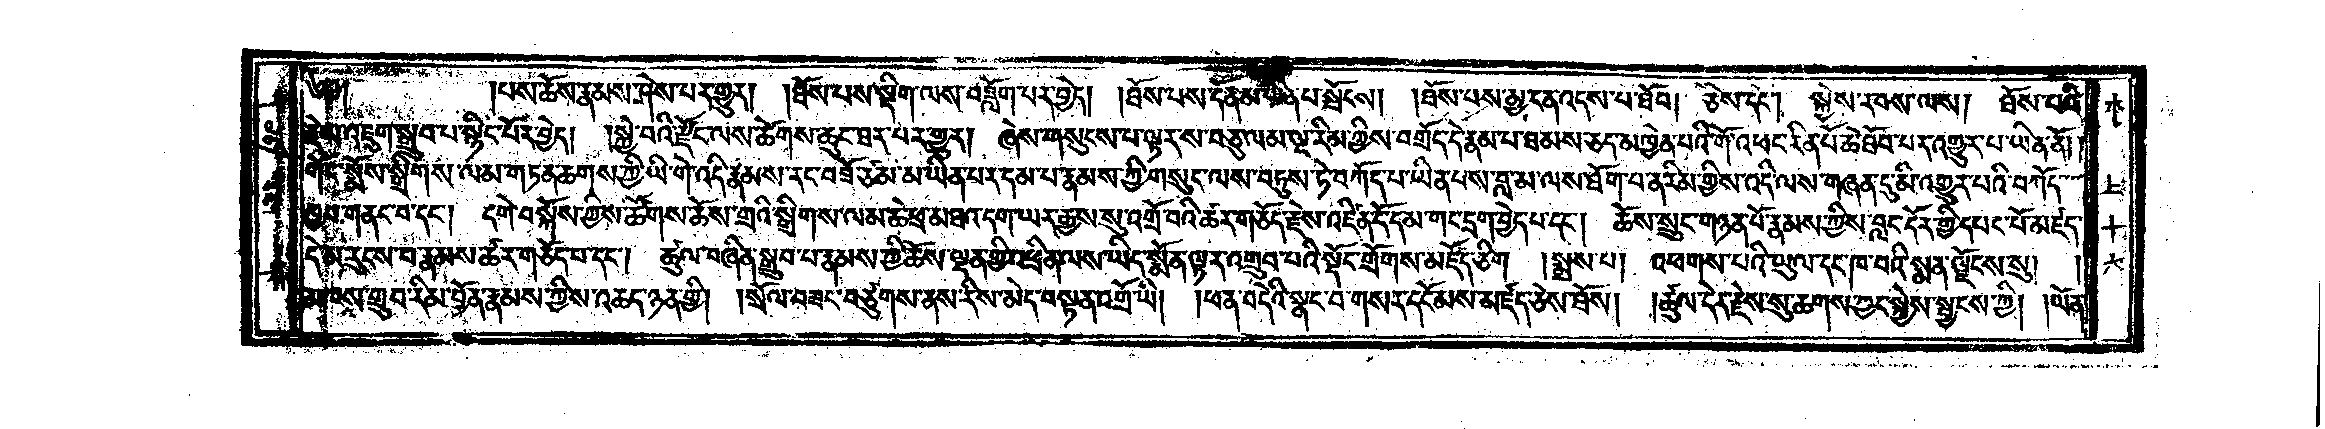༄༅། །པས་ཆོས་རྣམས་ཤེས་པར་གྱུར། །ཐོས་པས་སྡིག་ལས་བཟློག་པར་བྱེད། །ཐོས་པས་དོན་མ་ཡིན་པ་སྤོངས། །ཐོས་པས་མྱ་ངན་འདས་པ་ཐོབ། ཅེས་དང་། སྐྱེས་རབས་ལས། ཐོས་པའི་
རྗེས་འཇུག་སྒྲུབ་པ་སྙིང་པོར་བྱེད། །སྐྱེ་བའི་རྫོང་ལས་ཚོགས་ཆུང་ཐར་པར་གྱུར། ཞེས་གསུངས་པ་ལྟར་ས་བཅུ་ལམ་ལྔ་རིམ་གྱིས་བགྲོད་དེ་རྣམ་པ་ཐམས་ཅད་མཁྱེན་པའི་གོ་འཕང་རིན་པོ་ཆེ་ཐོབ་པར་འགྱུར་པ་ཡིན་ནོ།།
གོང་སྨོས་སྒྲིགས་ལམ་གཏན་ཆགས་ཀྱི་ཡི་གེ་འདི་རྣམས་རང་བཟོ་ཙམ་མ་ཡིན་པར་དམ་པ་རྣམས་ཀྱི་གསུང་ལས་བཏུས་ཏེ་བཀོད་པ་ཡིན་པས་བླ་མ་ལས་ཐོག་པ་ན་རིམ་གྱིས་འདི་ལས་གཞན་དུ་མི་འགྱུར་བའི་བཀོད་
ཁྱབ་གནང་བ་དང་། དགེ་བསྐོས་ཀྱིས་ཚོགས་ཆོས་གྲའི་སྒྲིགས་ལམ་ཆེ་ཕྲ་མཐའ་དག་ཡར་རྒྱས་སུ་འགྲོ་བའི་ཚར་གཅོད་རྗེས་འཛིན་དོ་དམ་གང་དྲག་བྱེད་པ་དང་། ཆོས་སྲུང་གཉན་པོ་རྣམས་ཀྱིས་བླང་དོར་གྱི་དབང་པོ་མཛད་
དེ་མ་རུངས་པ་རྣམས་ཚར་གཅོད་པ་དང་། ཚུལ་བཞིན་སྒྲུབ་པ་རྣམས་ཀྱི་ཆོས་ལྡན་གྱི་འཕྲིན་ལས་ཡིད་སྨོན་ལྟར་འགྲུབ་པའི་སྡོང་གྲོགས་མཛོད་ཅིག །སྨྲས་པ། འཕགས་པའི་ཡུལ་དང་ཁ་བའི་སྨན་ལྗོངས་སུ། །
མཁས་གྲུབ་རིམ་བྱོན་རྣམས་ཀྱིས་འཆད་ཉན་གྱི། །སྲོལ་བཟང་བཙུགས་ནས་རིས་མེད་བསྟན་འགྲོ་ཡི། །ཕན་བདེའི་སྣང་བ་གསར་དངོམས་མཛད་ཅེས་ཐོས། །ཚུལ་དེར་རྗེས་སུ་ཆགས་ཀྱང་སྐྱེས་སྦྱངས་ཀྱི། །ཡོན་